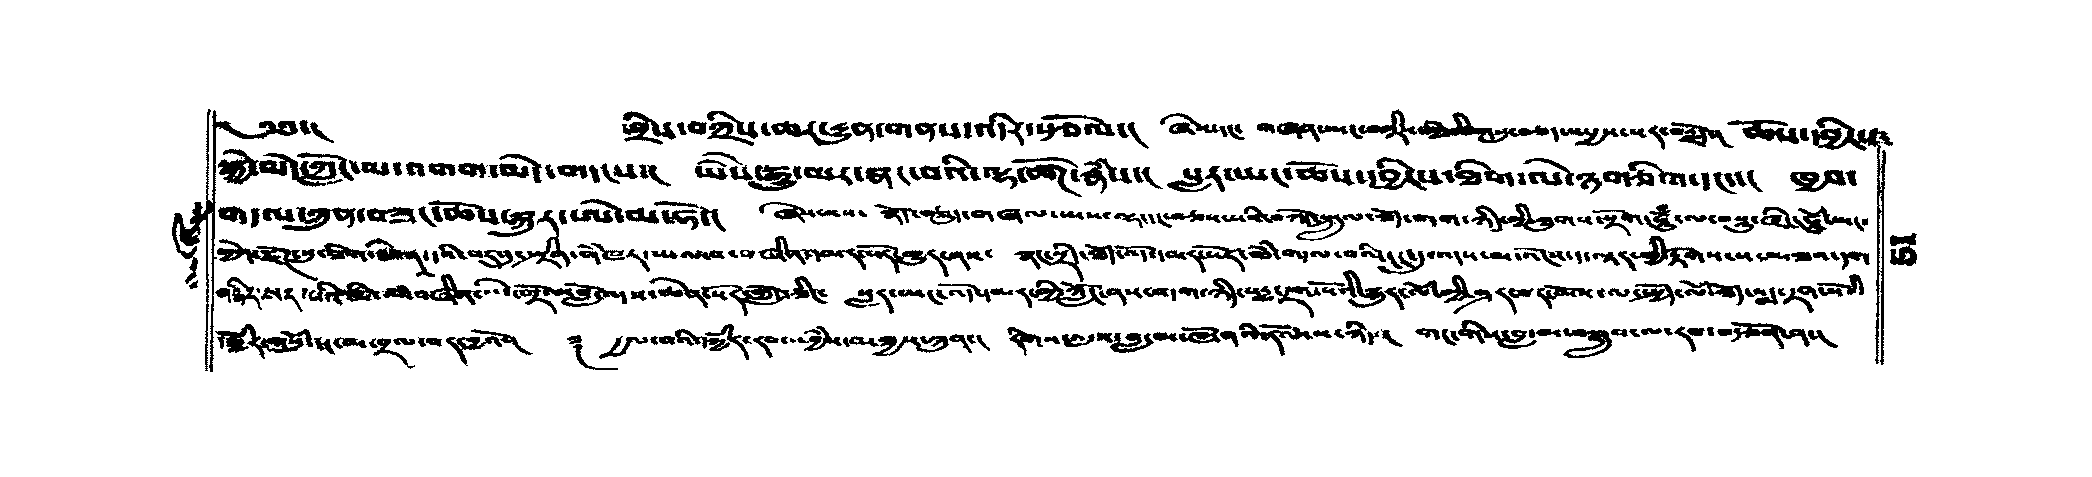ཕྲིན་ལས་བཀྲ་ཤིས་ཆར་རྒྱུན་གནས་འདིར་སྩོལ། ། ཞེས་དང་། གཞན་ཡང་བཀྲ་ཤིས་ཀྱི་ཚིགས་སུ་བཅད་པ་རྒྱས་པར་བརྗོད། ཆོས་དབྱིངས་
སྐྱེ་མེད་ཀློང་མ་འགགས་མེད་གདངས། །ཡེ།ཤེས་སྒྱུ་མར་སྣང་བའི་ལྷ་ཚོགས་རྣམས། །སླར་ཡང་ཆོས་དབྱིངས་ཐིག་ལེ་ཉག་གཅིག་དང་། ཁྱབ་
གདལ་ཀུན་བཟང་ཆོས་སྐུར་ཨེ་མ་ཧོ། ཞེས་པས་སྣོད་བཅུད་གཞལ་ཡས་ལྷ་དང་བཅས་པའི་བཀོད་སྤྲུལ་ཐམས་ཅད་བདག་ཉིད་ཀྱི་ཐུགས་སྲོག་ཧཱུྃ་ལ་བསྡུ་ཞིང་ཧཱུྃ་ཡང་
གྱེན་རྫོགས་སུ་ཐིག་ལེ་ནཱ་དའི་བར་དུ་སྤྲིན་ནམ་མཁར་ཡལ་བ་བཞིན་དམར་པོར་གྱུར་ནས། སྣང་སྲིད་་ཐམས་ཅད་འོད་དམར་སེར་ཆམ་གདལ་བའི་ངང་དུ་འདས་མ་འོངས་ད་ལྟར་གྱི་རྟོགས་པ་མཐའ་དག་
གཉིད་སད་པའི་རྨི་ལམ་བཞིན་ཡེ་གྲོལ་བློ་འདས་ཆེན་པོར་གློད་ཅིང་། སླར་ཡང་འོད་དམར་གྱི་ཀློང་ནས་བདག་ཉིད་པདྨ་དྲག་པོའི་སྐུར་ལམ་གྱི་ཤར་བར་མོས་ལ་སྤྱོད་ལམ་ཐམས་ཅད་པདྨ་དྲག་པོའི་
དཀྱིལ་འཁོར་གསུམ་ངང་མ་བྲལ་བར་བྱའོ།༈ རྒྱལ་བའི་དཀྱིལ་འཁོར་རབ་འབྱམས་མཐའ་ཡས་ཀུན། །རིགས་འདུས་བླ་མ་ཁོ་ནའི་རོལ་པ་ཉིད། །གང་གིས་བླ་མ་བསྒྲུབ་ལ་རབ་བརྩོན་ན། །